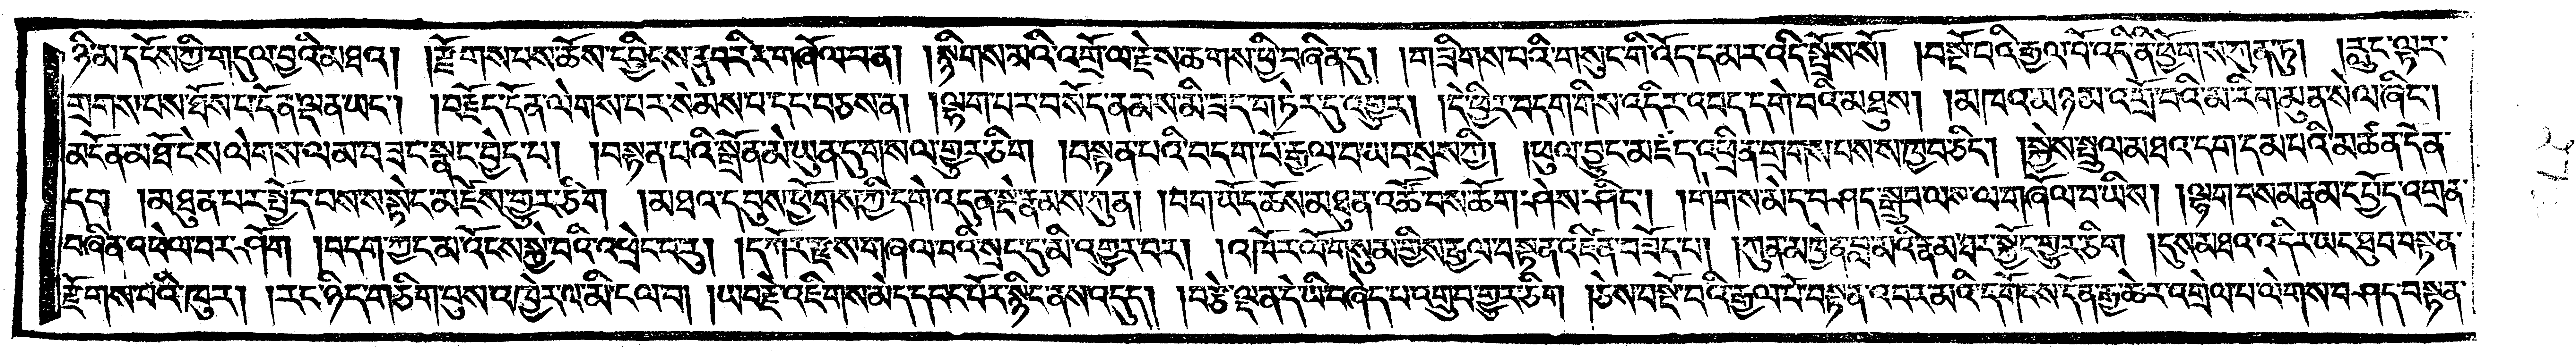ཉི་མ་དངོས་ཀྱི་གདུལ་བྱའི་མཐའ། །རྫོགས་པས་ཆོས་དབྱིངས་ནུབ་རིར་གཞོལ་བ་ན། །སྙིགས་མའི་འགྲོ་ལ་རྗེས་ཆགས་ཕྱི་བཞིན་དུ། །གཟིགས་པའི་གསུང་གི་འོད་དམར་འདི་སྤྲོས་སོ། །བསྔོ་བའི་རྒྱལ་བོ་འདི་ནི་ཕྱོགས་ཀུན་ཏུ། །རླུང་ལྟར་
གྲགས་པས་ཐོས་པ་དོན་ལྡན་ཡང་། །བརྗོད་དོན་ལེགས་པར་སེམས་པ་དང་བཅས་ན། །ལྷག་པར་བསོད་ནམས་མི་ཟད་གཏེར་དུ་འགྱུར། །དེ་ཕྱིར་བདག་གིས་འདིར་འབད་དགེ་བའི་མཐུས། །མཁའ་མཉམ་འགྲོ་བའི་མ་རིག་མུན་སེལ་ཞིང་།
མངོན་མཐོ་ངེས་ལེགས་ལམ་བཟང་སྣང་བྱེད་པ། །བསྟན་པའི་སྒྲོན་མེ་ཡུན་དུ་གསལ་གྱུར་ཅིག །བསྟན་པའི་བདག་པོ་རྒྱལ་བ་ཡབ་སྲས་ཀྱི། །ཕུལ་བྱུང་མཛད་འཕྲིན་གྲགས་པས་ས་ཁྱབ་ཅིང་། །སྐྱེས་སྤྲུལ་མཐའ་དག་དམ་པའི་མཚན་དོན་
དང་། །མཐུན་པར་སྤྱོད་པས་ས་སྟེང་མཛེས་གྱུར་ཅིག །མཐའ་དབུས་ཕྱོགས་ཀྱི་དགེ་འདུན་སྡེ་རྣམས་ཀུན། །བག་ཡོད་ཆོས་མཐུན་འཚོ་བས་ཆོག་ཤེས་ཤིང་། །གེགས་མེད་བཤད་སྒྲུབ་ལས་ལ་གཞོལ་བ་ཡིས། །ལྷག་བསམ་རྣམ་དཔྱོད་འགྲན་
བཞིན་འཕེལ་བར་ཤོག །བདག་ཀྱང་མ་འོངས་སྐྱེ་བའི་འཕྲེང་བ་རུ། །དཀོར་རྫས་གཞལ་བའི་སྲང་དུ་མི་འགྱུར་བར། །འཁོར་ལོ་གསུམ་གྱིས་རྒྱལ་བསྟན་འཛིན་བཟོད་པ། །ཀུན་མཁྱེན་བླ་མའི་རྣམ་ཐར་སྐྱོང་གྱུར་ཅིག །དུས་མཐའ་འདིར་ཡང་ཐུབ་བསྟན་
རྫོགས་པའི་ཁུར། །རང་ཉིད་གཅིག་པུས་འཁྱེར་ལ་མི་ངལ་བ། །ཡབ་རྗོ་འཇིགས་མེད་དབང་པོར་སྙིང་ནས་འདུད། །བརྩེ་ལྡན་དེ་ཡི་བཞེད་པ་འགྲུབ་གྱུར་ཅིག །ཅེས་བསྔོ་བའི་རྒྱལ་པོ་བསྟན་འབར་མའི་དགོངས་དོན་རྒྱ་ཆེར་འགྲེལ་པ་ལེགས་བཤད་བསྟན་